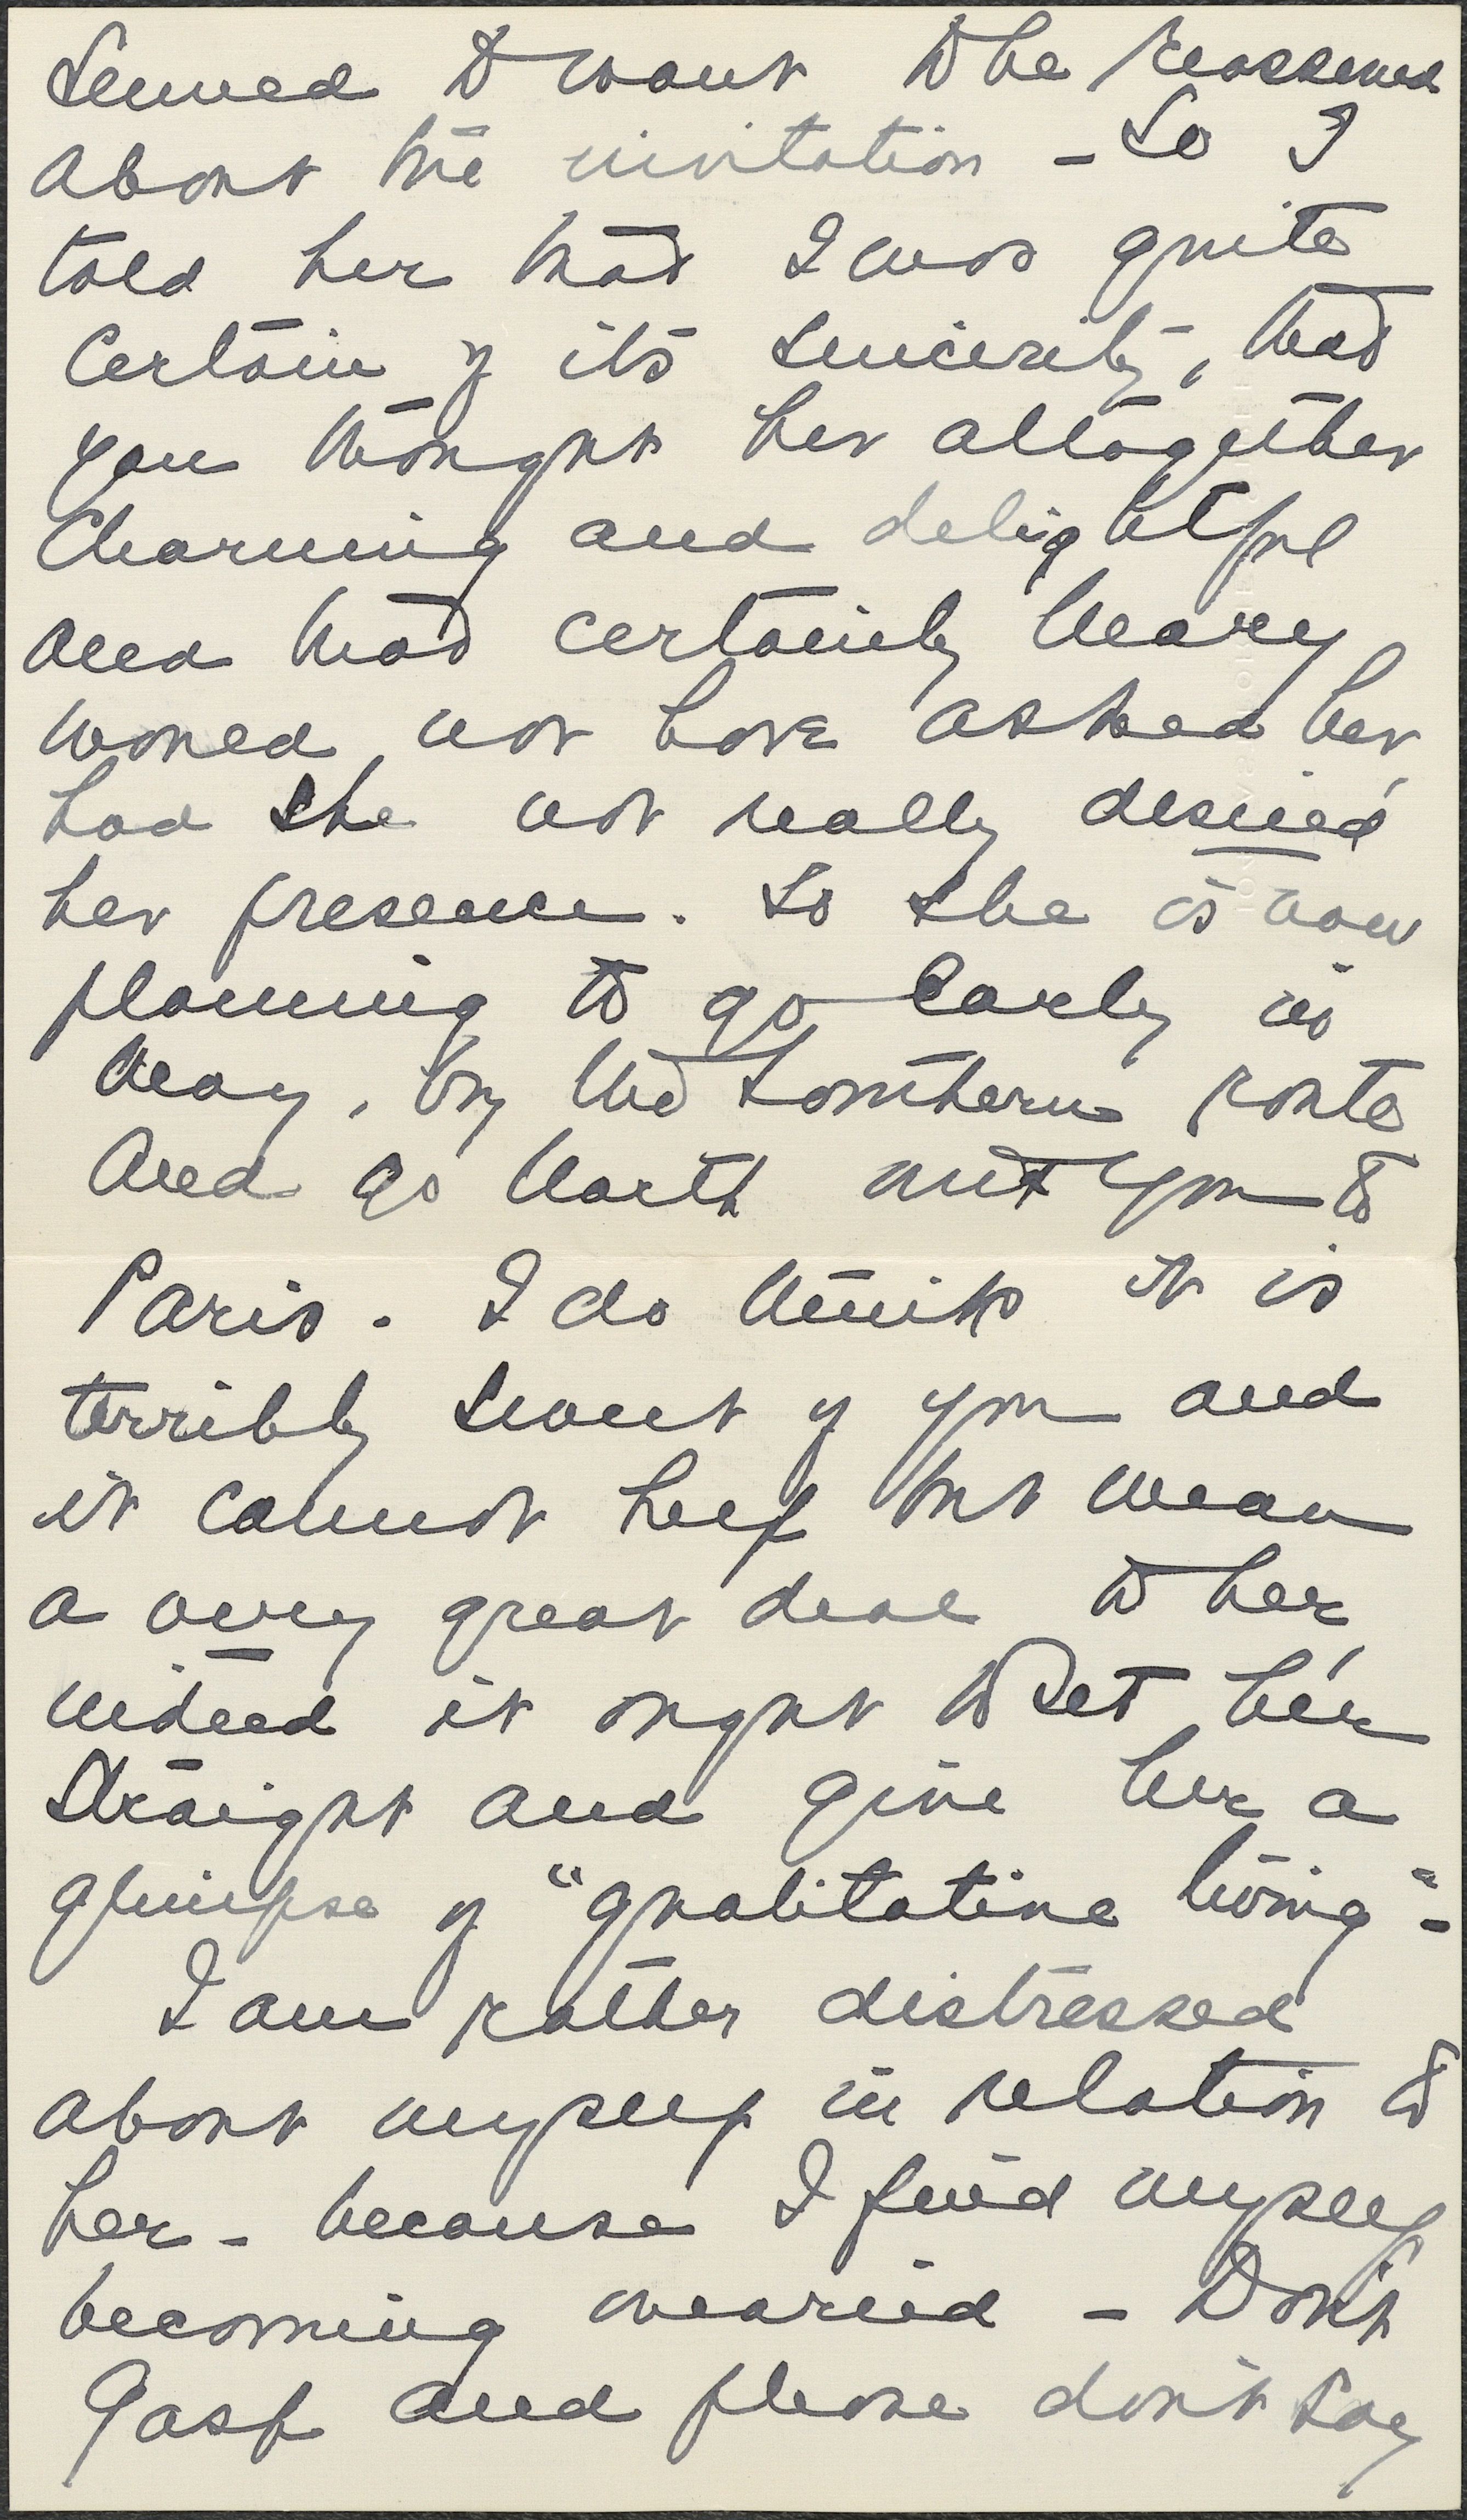seemed to want to be reassured about the invitation – so I told her that I was quite certain of its sincerity, that you thought her altogether charming and delightful and that certainly Mary would not have asked her had she not really desired her presence. So she is now planning to go early in May, by the Southern route and go North with you to Paris. I do think it is terribly sweet of you and it cannot help but mean a very great deal to her, indeed it ought to set her straight and give her a glimpse of “qualitative living” –
I am rather distressed about myself in relation to her – because I find myself becoming wearied – Don’t gasp and please don’t say